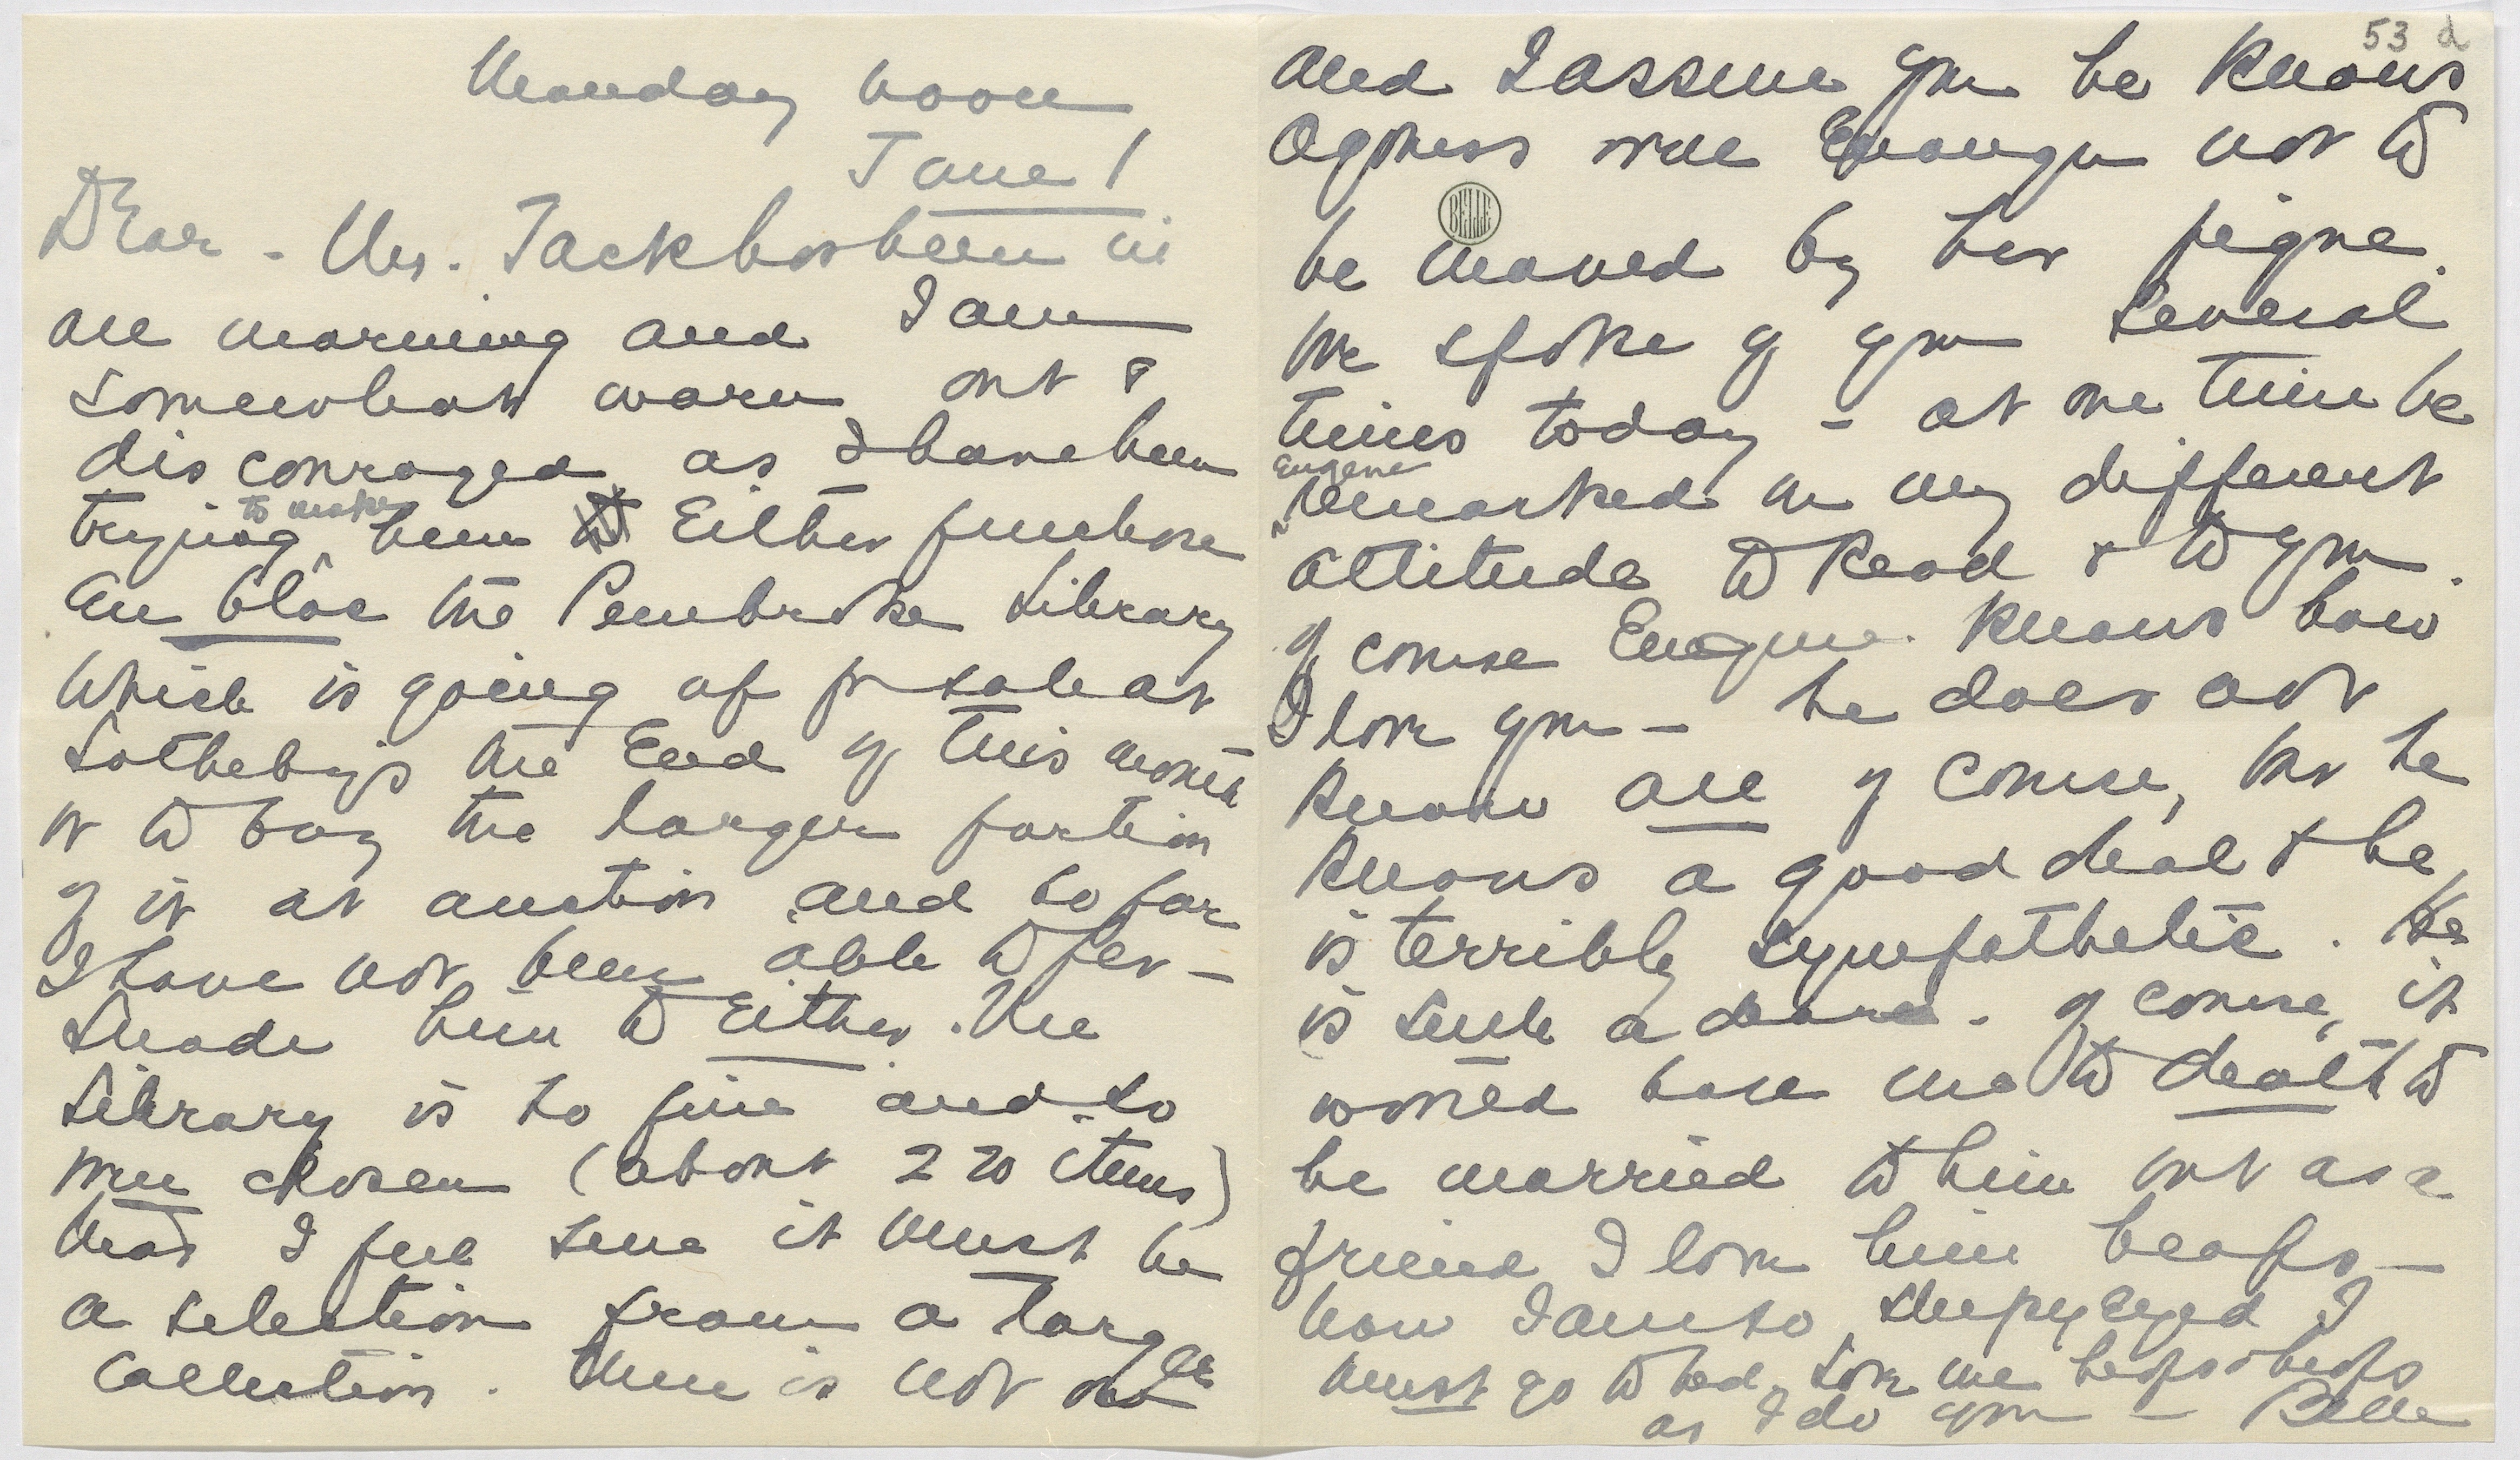and I assure you he knows Agoness well enough not to be moved by her pique. We spoke of you several times today – at one time he [^Eugene^] remarked on my different attitude to Read & to you. of course Eugene knows how I love you – he does not know all of course, but he knows a good deal & he is terribly sympathetic. He is such a dear – of course, it would bore me to death to be married to him but as a friend I love him heaps – Now I am so sleepy eyed I must go to bed. Love me heaps & heaps as I do you – Belle
Monday noon
June 1
Dear – Mr. Jack has been in all morning and I am somewhat worn out & discouraged as I have been trying [^to make^] him to either purchase en bloc the Pembroke Library which is going up for sale at Sotheby’s the End of this month or to buy the larger portion of it at auction and so far I have not been able to persuade him to either. The Library is so fine and so well chosen (about 220 items) that I feel sure it must be a selection from a larger collection. There is not one